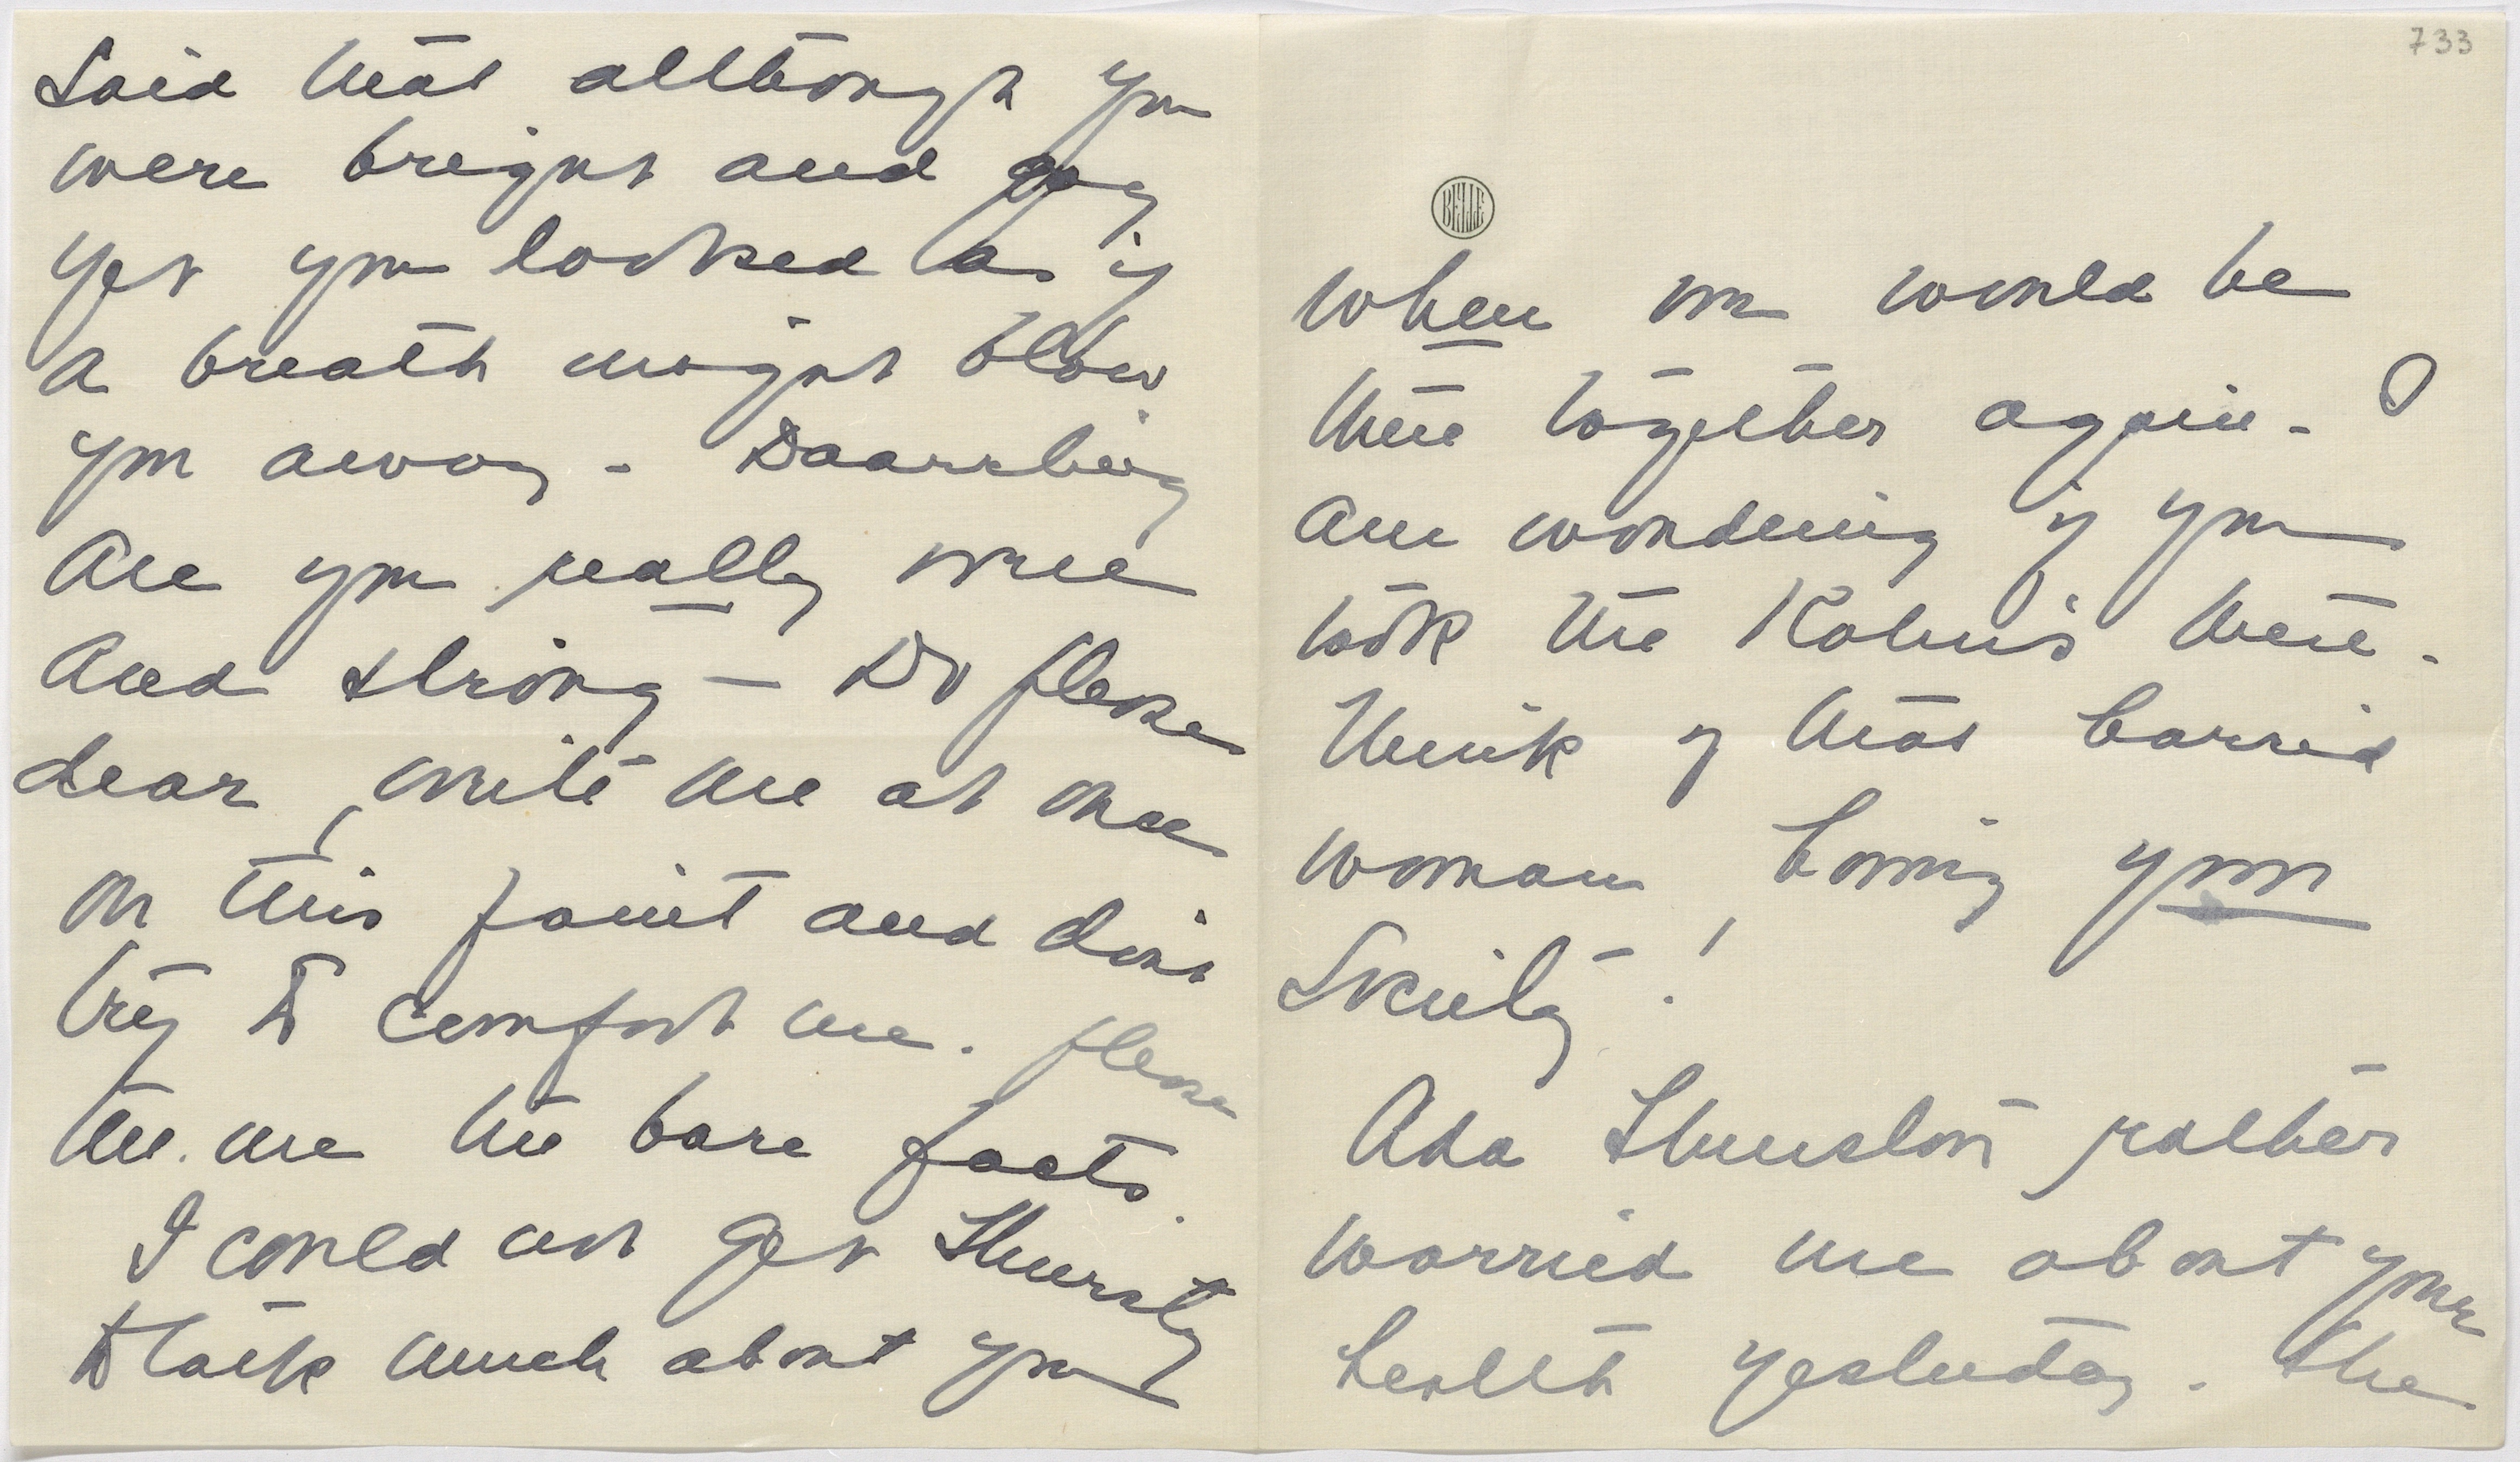when we would be there together again. I am wondering if you took the Kahn’s there. Think of that horrid woman having your society!
Ada Thurston rather worried me about your health yesterday. She
said that although you were bright and gay yet you looked as if a breath might blow you away – Daarrling are you really well and strong – Do please dear, write me at once on this point and don’t try to comfort me. Please tell me the bare facts.
I could not get Thursty to talk much about you